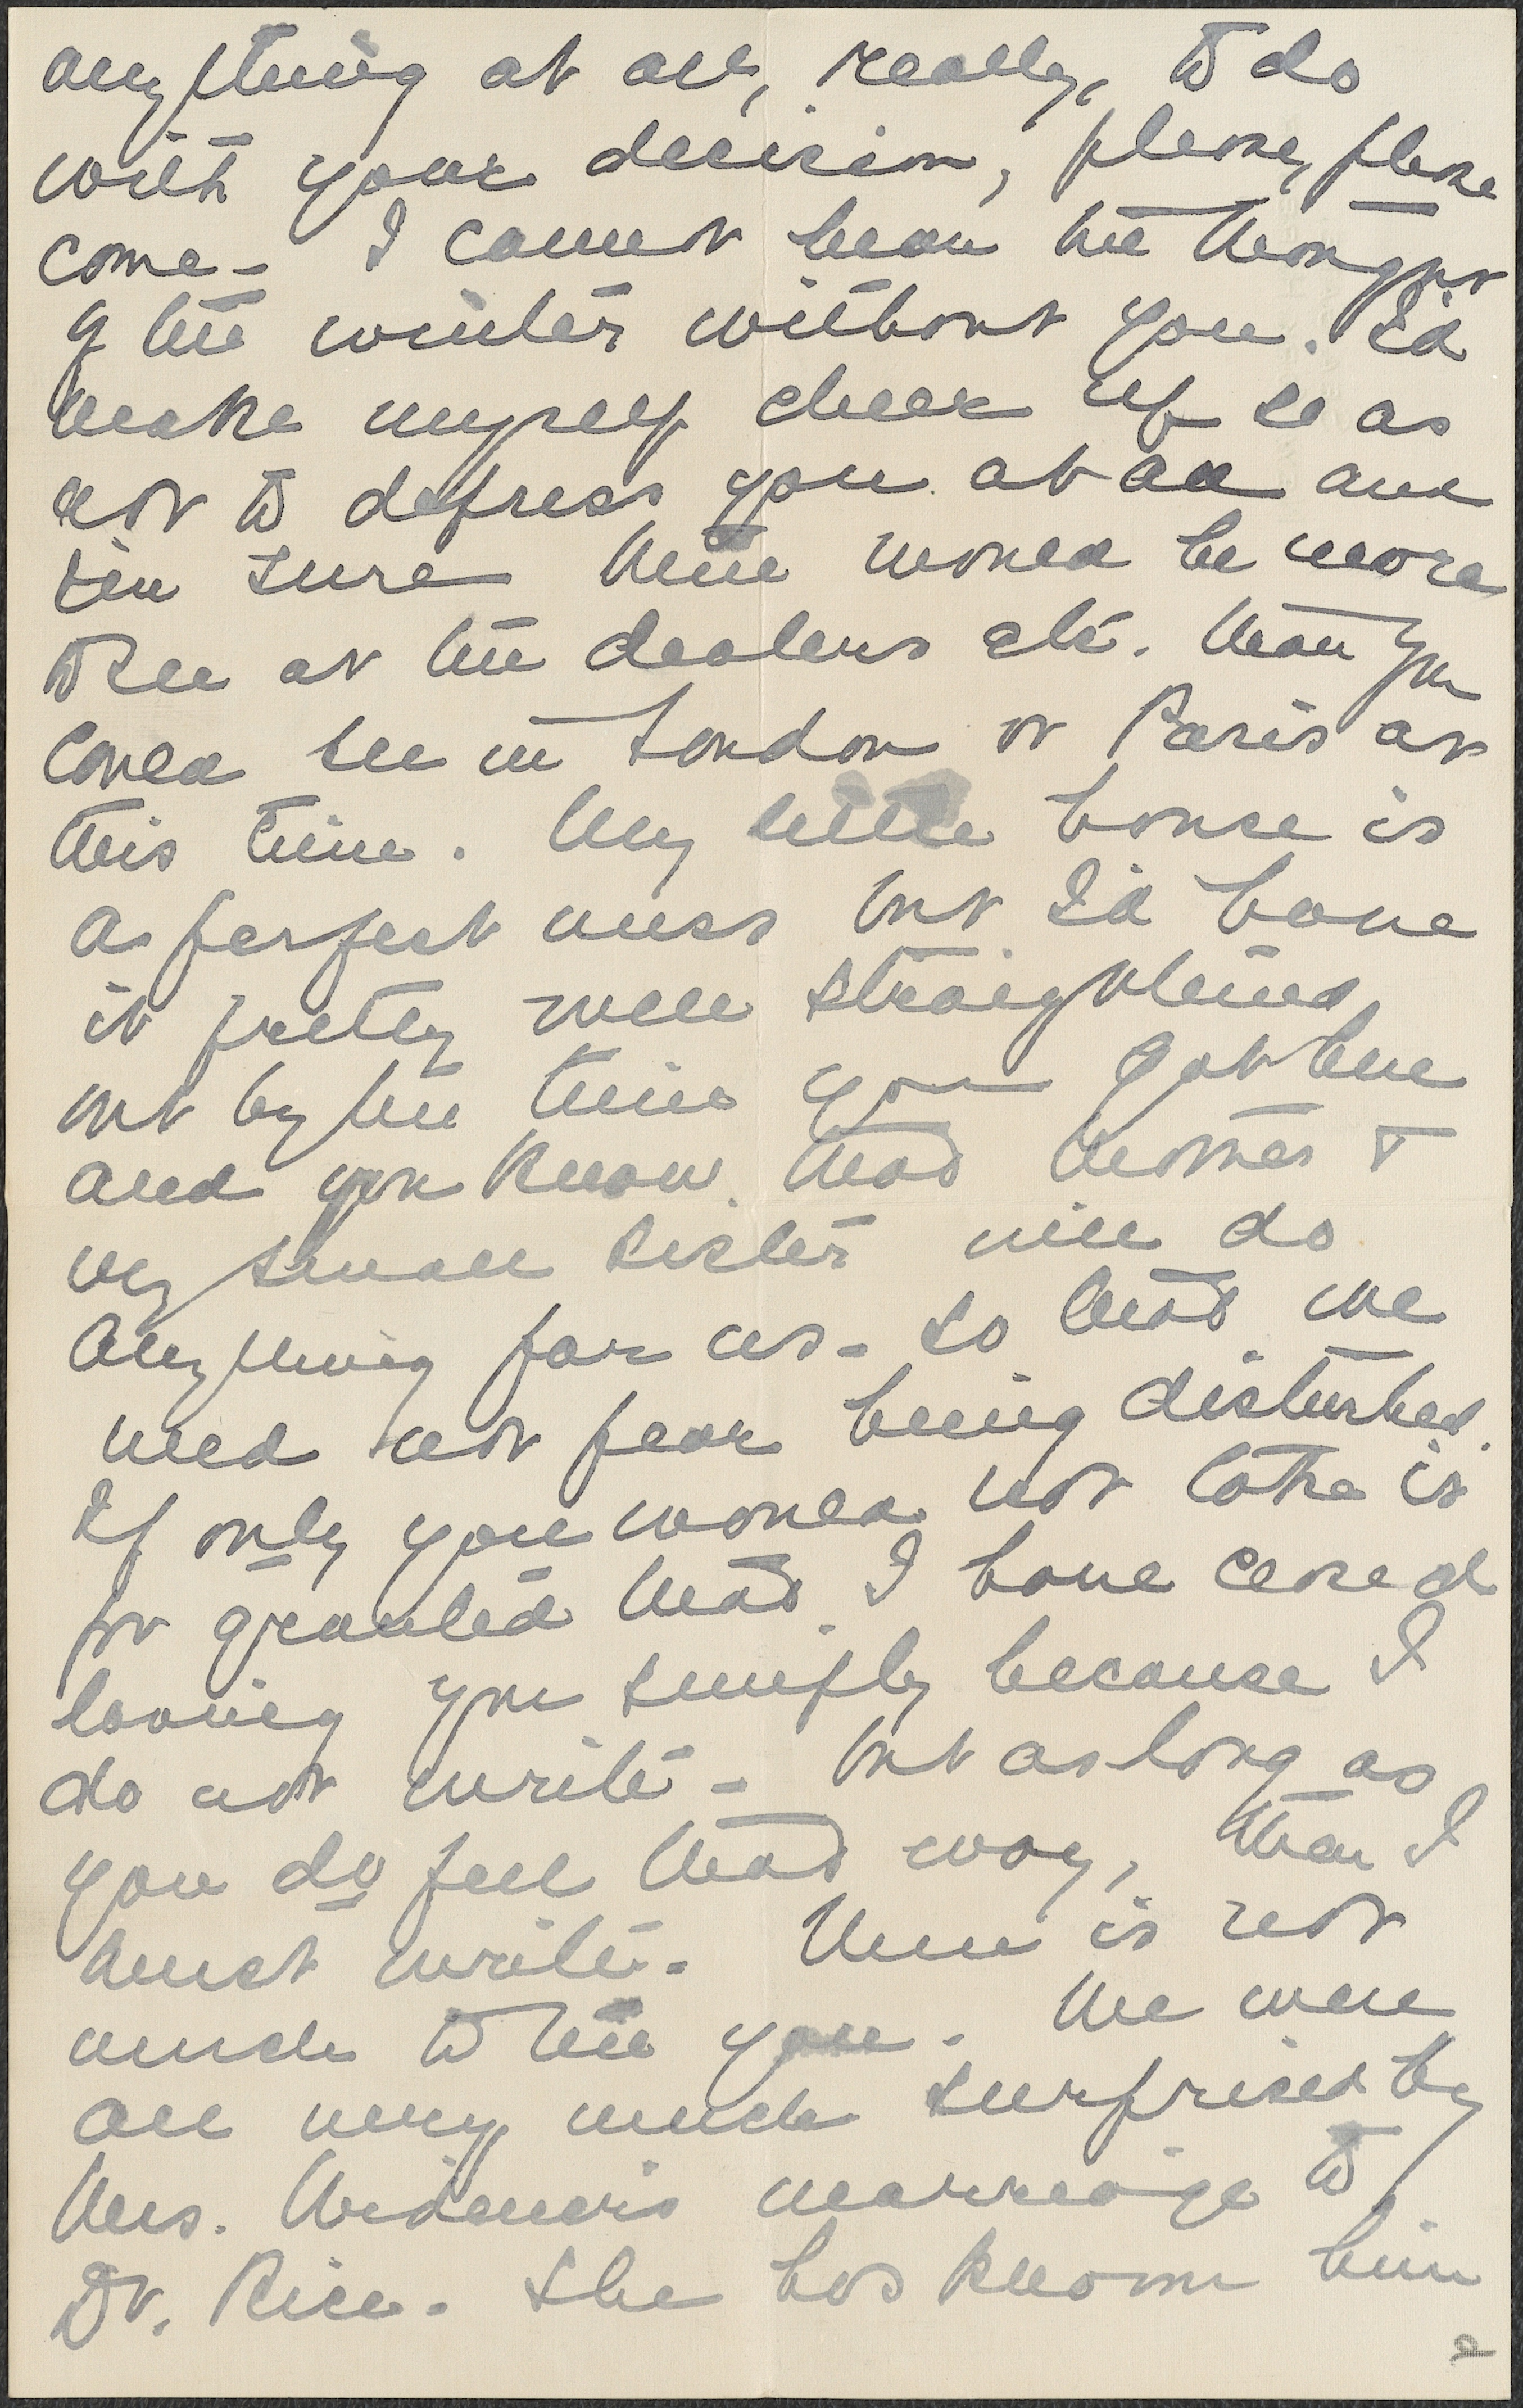anything at all, really, to do with your decision, please, please come – I cannot bear the thought of the winter without you. I'd make myself cheer up so as not to depress you at all and I'm sure there would be more to see at the dealers etc. than you could see in London or Paris at this time. My little house is a perfect mess but I'd have it pretty well straightened out by the time you got here and you know that mother & my small sister will do anything for us – so that we need not fear being disturbed. If only you would not take it for granted that I have ceased loving you simply because I do not write – but as long as you do feel that way, then I must write. There is not much to tell you. We were all very much surprised by Mrs. Widener's marriage to Dr. Rice. She has known him